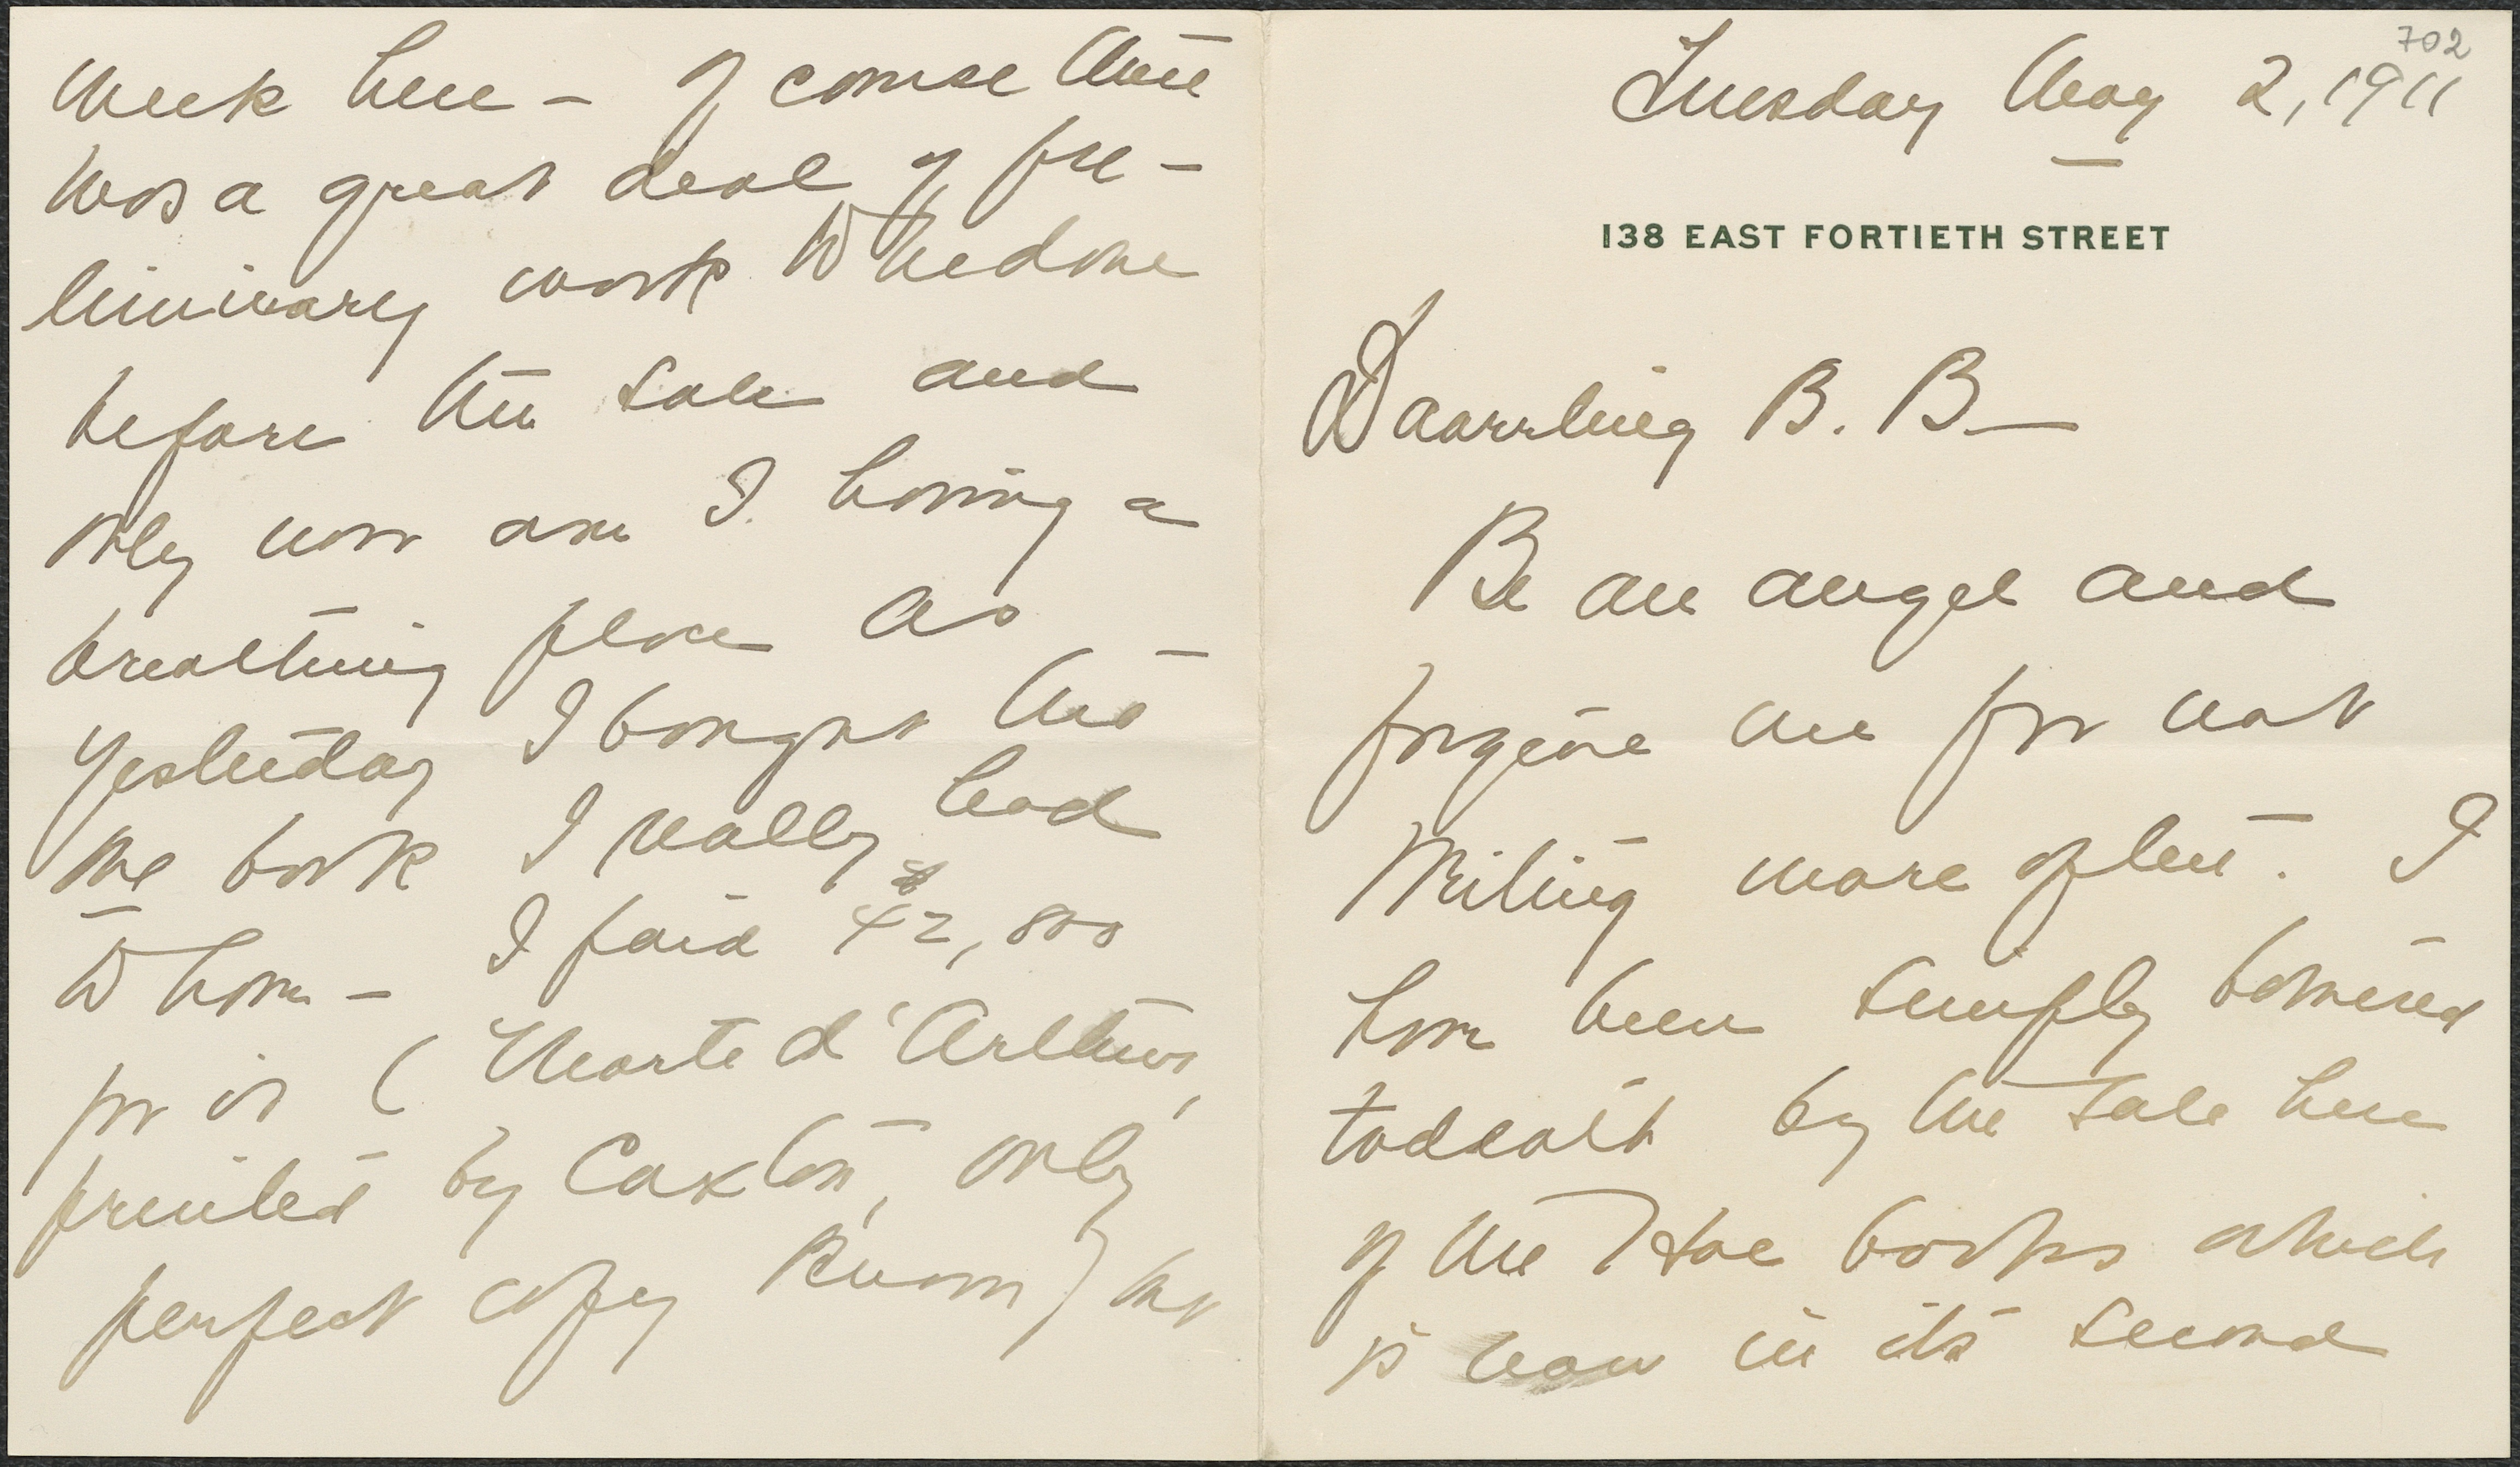Tuesday May 2, 1911
Daarling B. B –
Be an angel and forgive me for not writing more often. I have been simply bothered to death by the sale here of the Hoe books which is now in its second
week here – of course there was a great deal of preliminary work to be done before the sale and only now am I having a breathing place as yesterday I bought the one book I really had to have – I paid $42,800 for it (Morte d’Arthur, printed by Caxton, only perfect copy known) but